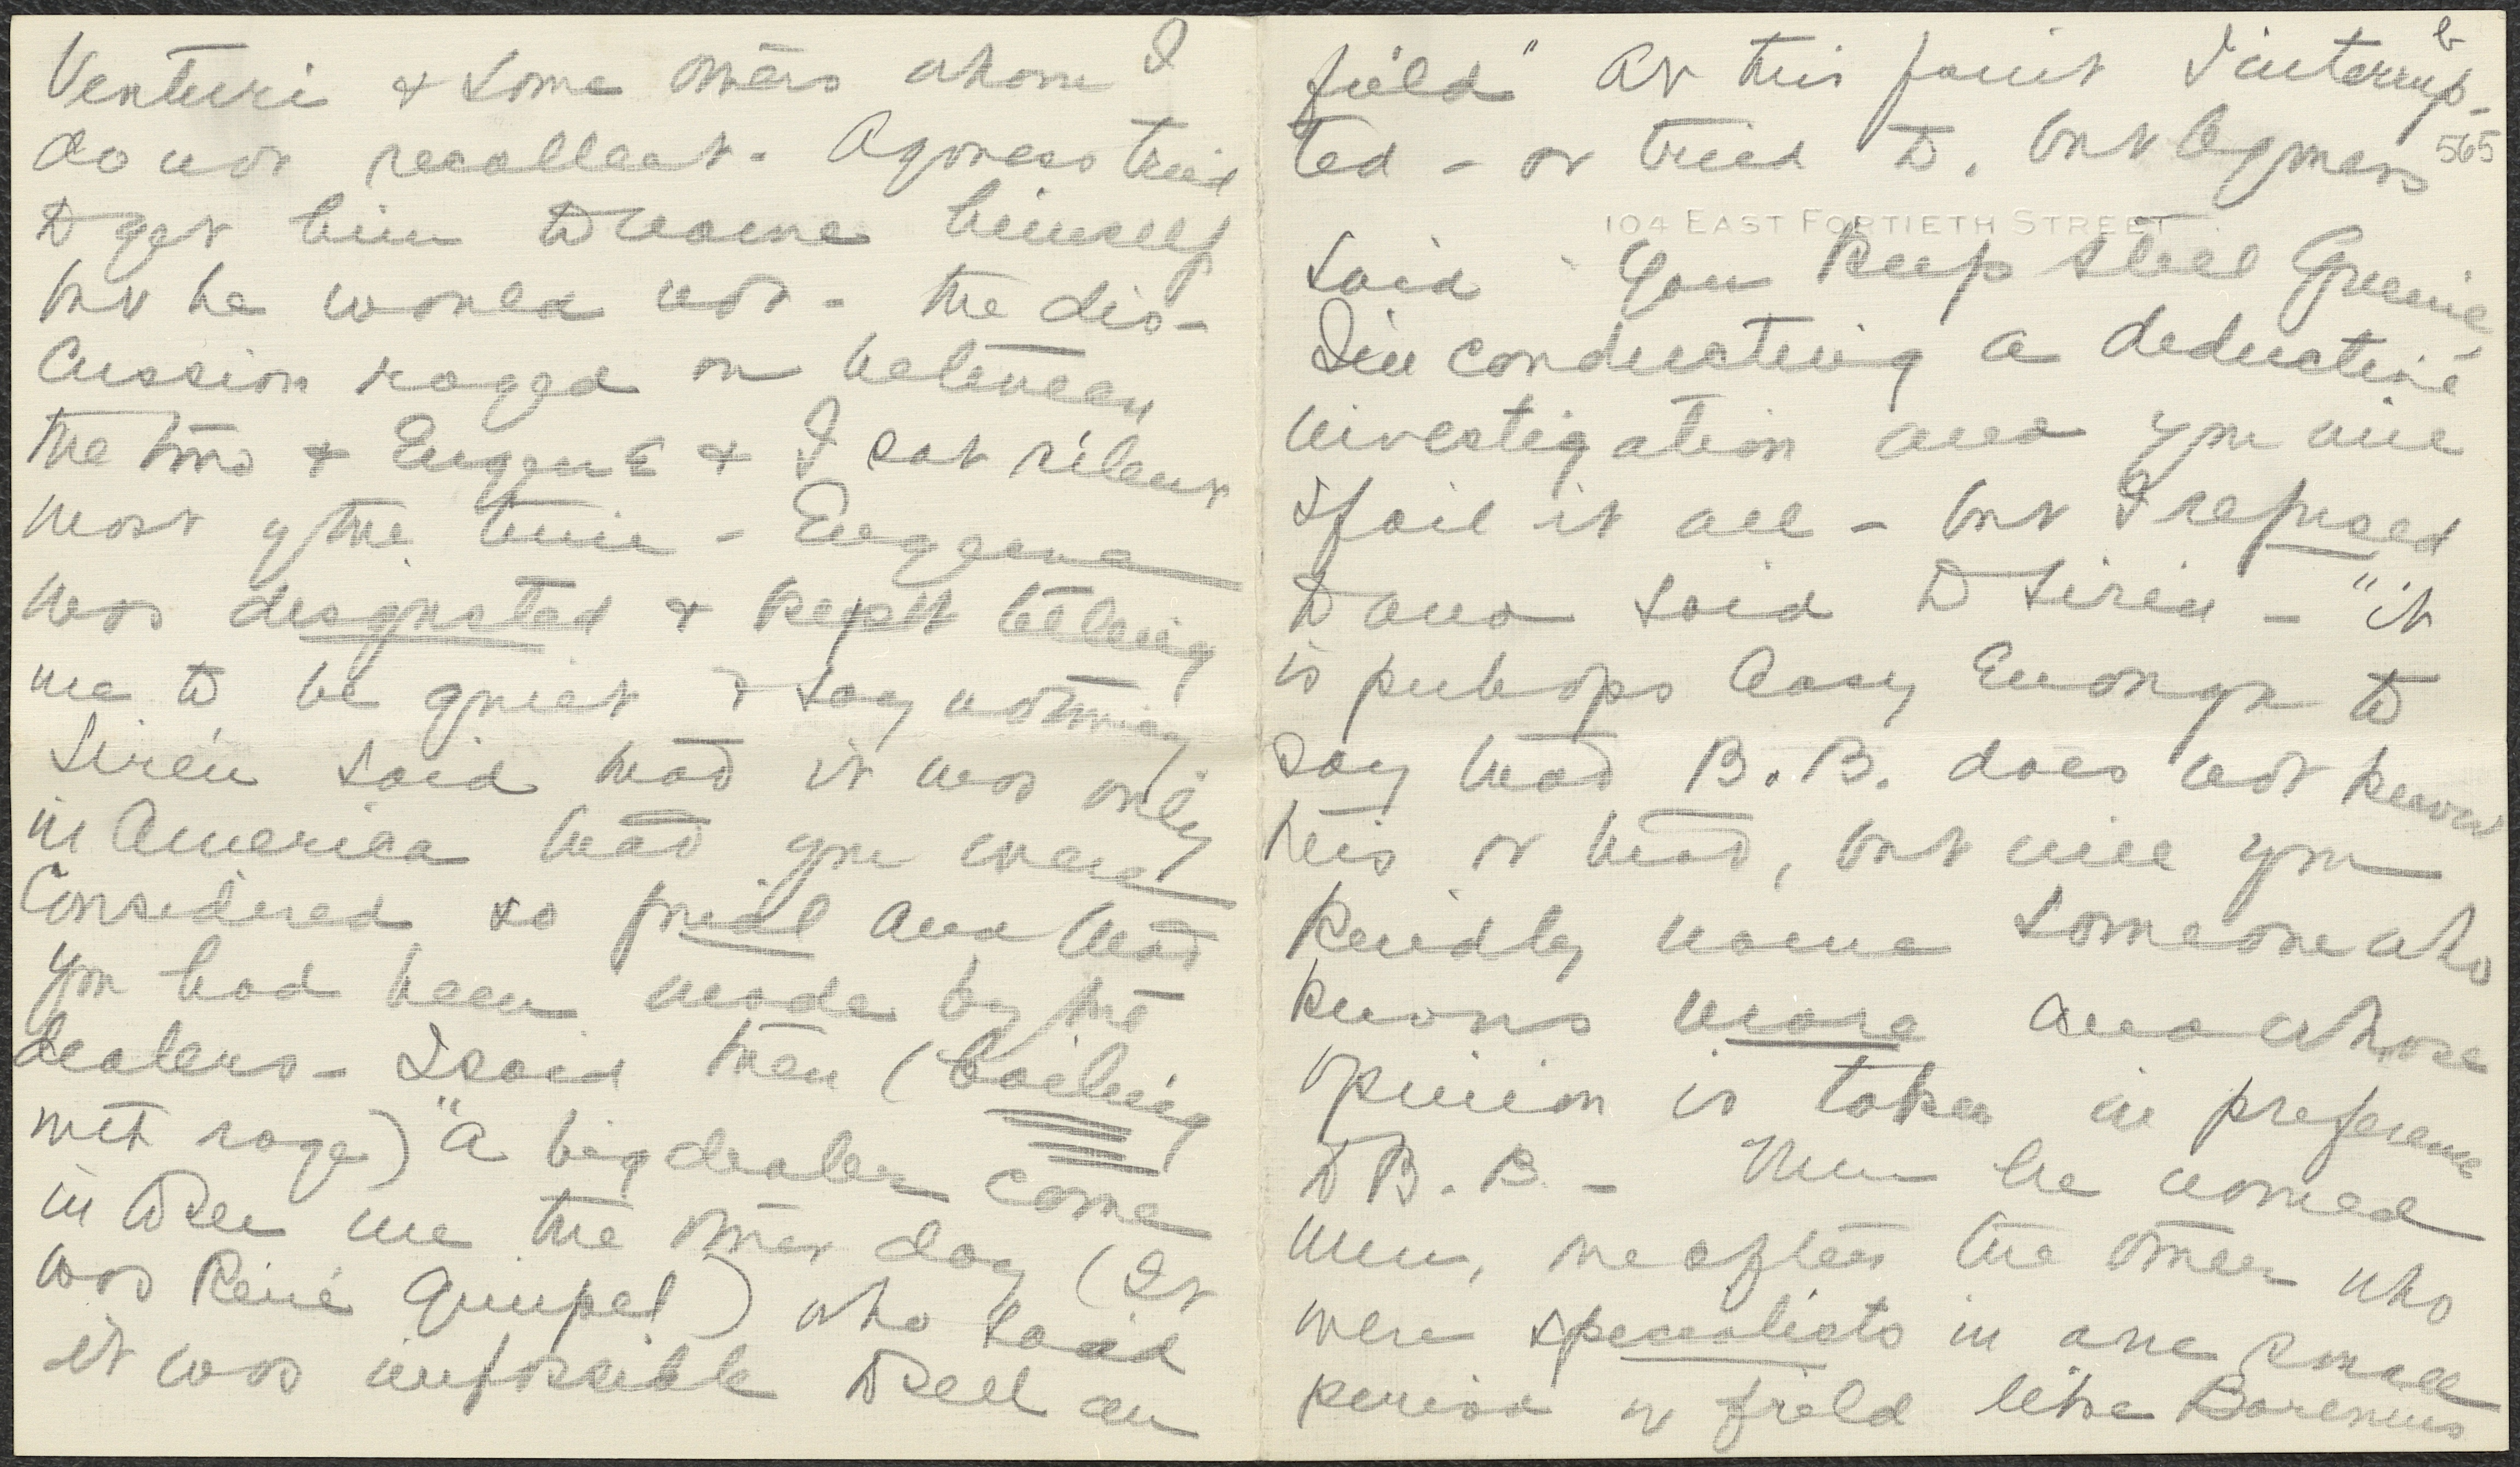field” At this point I interrupted – or tried to, but Agoness said “You keep still Greenie, I’m conducting a deductive investigation and you will spoil it all – but I refused to and said to Sirén – “it is perhaps easy enough to say that B.B. does not know this or that, but will you kindly name someone who knows more and whose opinion is taken in preference to B.B. – then he would win, one after the other who were specialists in one small period or field like Borenius,
Venturi & some others whom I do not recollect – Agoness tried to get him to name himself but he would not – the discussion raged on between the two & Eugene & I sat silent most of the time – Eugene was disgusted & kept telling me to be quiet & say nothing. Sirén said that it was only in America that you were considered so final and that you had been made by the dealers – I said then ([quadruple underlined: boiling] with rage) “A big dealer came in to see me the other day (It was René Gimpel) who said it was impossible to sell an